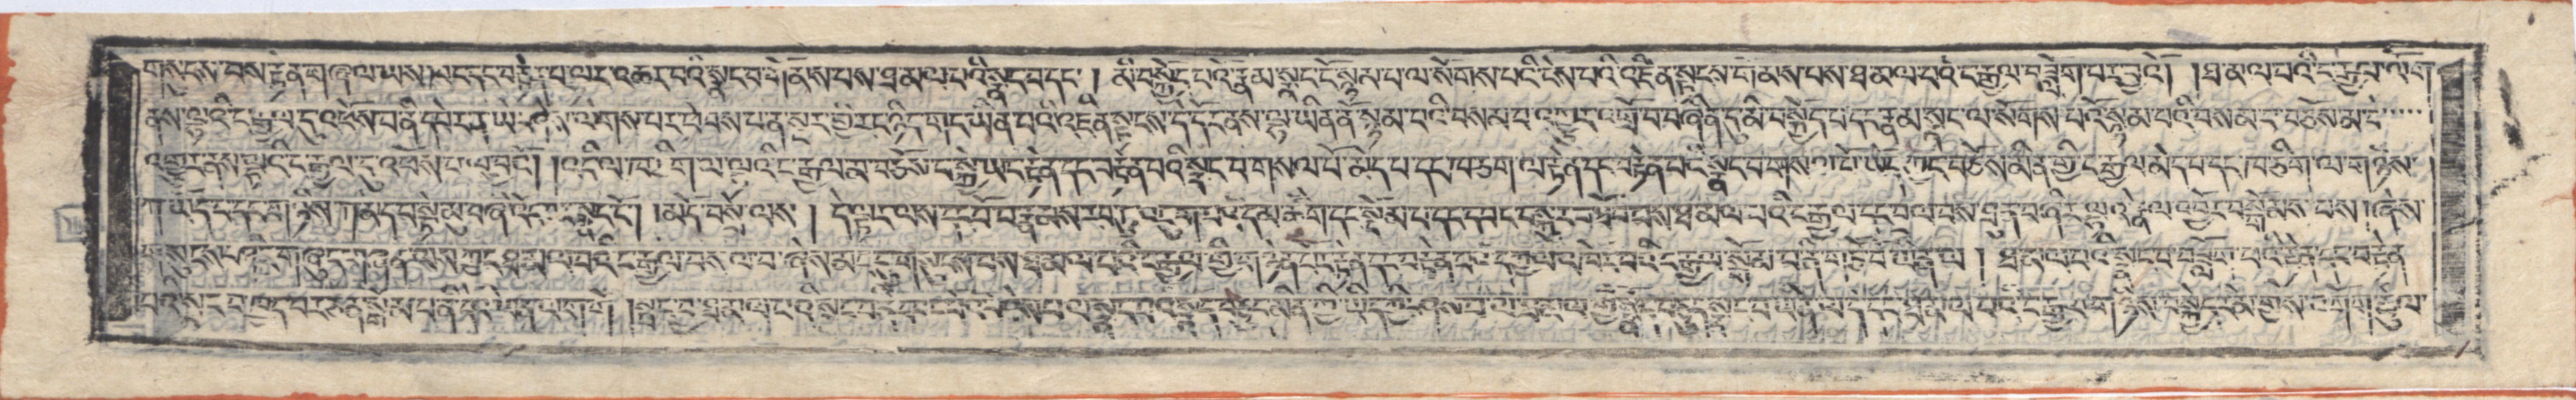གསུངས་བས་རྟེན་གཞལ་ཡས་ཁང་དང་བརྟེན་པ་ལྷར་འཆར་བའི་སྣང་བ་གོམས་པས་ཐ་མལ་པའི་སྣང་བ་དང་། མི་བསྐྱོད་པའོ་རྣམ་སྣང་ངོ་སྙམ་པ་ལ་སོགས་པའི་ངེས་པའི་འཛིན་སྟངས་གོམས་པས་ཐ་མལ་པའི་ང་རྒྱལ་བཟློག་པར་བྱའོ། །ཐ་མལ་པའི་ང་རྒྱལ་ལོག་
ནས་ལྷའི་ང་རྒྱལ་དུ་འཕོས་བ་ནི་དཔེར་ན་ཡེ་ཤེས་ལེགས་པར་ཕེབས་པ་ན་སྔར་གྱི་རང་ཉིད་གང་ཡིན་པའི་འཛིན་སྟངས་དེ་དོར་ནས་ལྷ་ཡིན་ནོ་སྙམ་པའི་བསམ་པ་འགྱུར་འགྲོ་བ་བཞིན་དུ་མི་བསྐྱོད་པ་དང་རྣམ་སྣང་ལ་སོགས་པའོ་སྙམ་པའི་བསམ་པ་བཅོས་མ་དེ་
འགྱུར་ནས་ལྷའི་ང་རྒྱལ་དུ་འཕོས་པ་ལ་བྱའོ། །འདི་ལ་ཁ་ཅིག་ལ་ལྷའི་ང་རྒྱལ་མ་བཅོས་པ་སྐྱེ་ཡང་རྟེན་དང་བརྟེན་པའི་སྣང་བ་གསལ་པོ་མེད་པ་དང་ཁ་ཅིག་ལ་རྟེན་དང་བརྟེན་པའི་སྣང་བ་གསལ་པོ་ཡོད་ཀྱང་བཅོས་མིན་གྱི་ང་རྒྱལ་མེད་པ་དང་ཁ་ཅིག་ལ་གཉིས་
ཀ་ཡོད་པ་དང་གཉིས་ཀ་མེད་པ་སྟེ་མུ་བཞི་འོང་བར་སྣང་ངོ། །མདོ་བསྲོ་ལས། དེ་ལྟར་ལས་དང་པོ་པ་རྣམས་རབ་ཏུ་འཇུག་པའི་དམ་ཚིག་དང་སྡོམ་པ་དང་དབང་བསྐུར་བ་ཐོབ་པས་ཐ་མལ་པའི་ང་རྒྱལ་དང་བྲལ་བས་ཐུན་བཞིར་ལྷའི་རྣལ་འབྱོར་བསྒོམས་པས། ཞེས་
གསུངས་ཤིང་གཞུང་གཞན་ལས་ཀྱང་ཐ་མལ་བའི་ང་རྒྱལ་བསལ་བ་ཞེས་མང་དུ་གསུངས་པས་ཐ་མལ་པའི་ང་རྒྱལ་གྱི་གཉེན་པོར་རྟེན་དང་བརྟེན་པའི་དཀྱིལ་འཁོར་བའི་ང་རྒྱལ་སྒོམ་པ་ནི་གཙོ་བོ་ཡིན་ལ། ཐ་མལ་པའི་སྣང་བ་བཟློག་པའི་རྟེན་དང་བརྟེན་
པའི་སྣང་བ་ཁྱད་པར་ཅན་སྒོམ་པ་ནི་དེའི་ཡན་ལག་གོ །སྤང་བྱ་ཐ་མལ་པའི་སྣང་བ་ནི་དབང་པོའི་ཤེས་པ་ལ་སྣང་བའི་སྣོད་བཅུད་མིན་གྱི་ཡིད་ཀྱི་ཤེས་པ་ལ་ཐ་མལ་གྱི་སྣོད་བཅུད་སྣང་བ་ཡིན་ལ་དེ་དང་ཐ་མལ་པའི་ང་རྒྱལ་གཉིས་བསྐྱེད་རིམ་གྱིས་འགོག་ཚུལ་